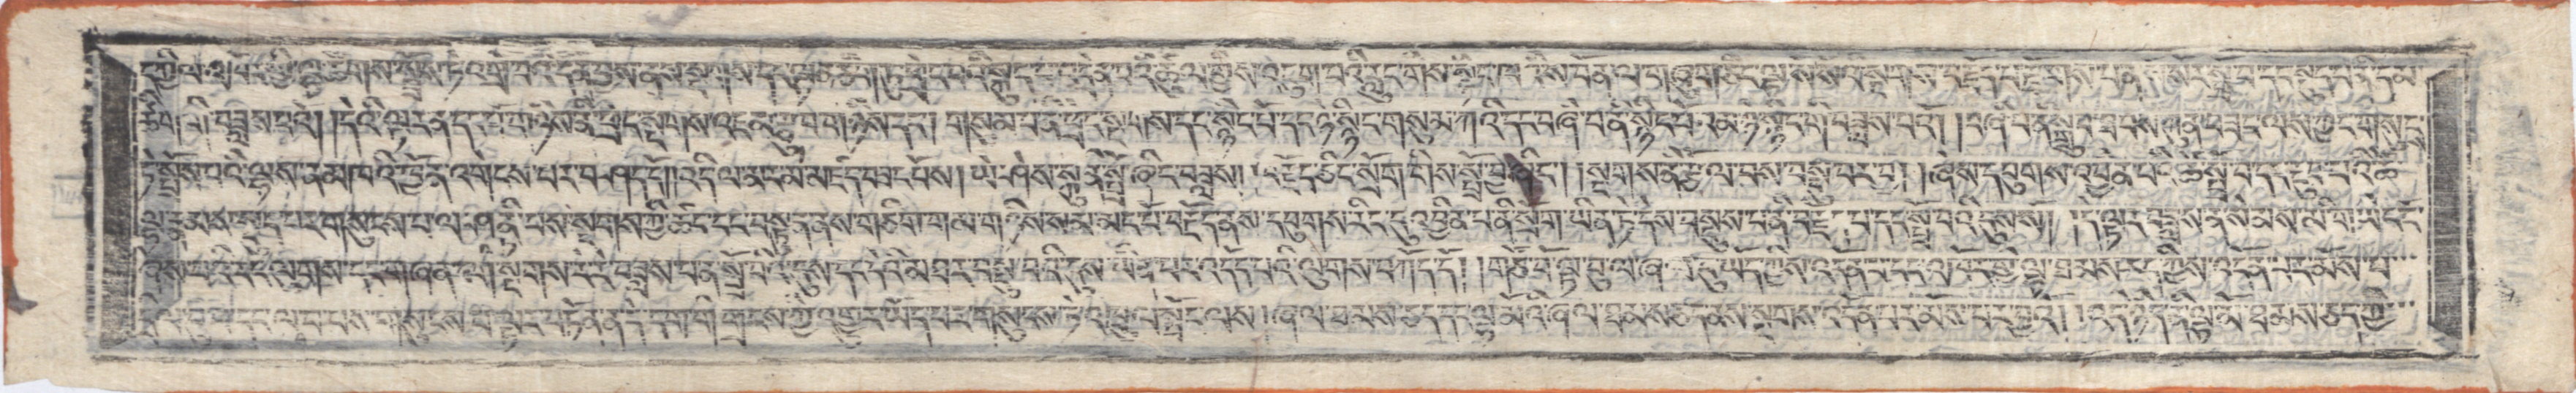དཀྱིལ་འཁོར་གྱི་ལྷ་ཚོགས་སྤྲོས་ཏེ་འགྲོ་བའི་དོན་བྱས་ནས་སྔགས་དང་ལྷན་ཅིག་ཏུ་ཕྲེང་བའི་སྐུད་པ་འདྲེན་པའི་ཚུལ་གྱིས་འཇུག་པའི་རླུང་གིས་སྙིང་ཁའི་ས་བོན་ལ་གཞུག་ཅིང་ལྷ་སོ་སོའི་སྔགས་བརྗོད་པ་རྫོགས་པ་ན་སོ་སོར་སྤྲོ་བ་དང་སྡུད་པ་ནི་དམ་
ཚིག་གི་བཟླས་པའོ། །དེའི་ལྟར་ན་དང་པོ་གཉིས་ནི་ཕྲེང་སྔགས་འཇམ་རྩུབ་གཉིས་དང་། གསུམ་པ་ནི་ཕྲེང་སྔགས་དང་སྙིང་པོ་དང་ཉེ་སྙིང་གསུམ་ཀའི་དང་བཞི་པ་ནི་སྙིང་པོའམ་ཉེ་སྙིང་གི་བཟླས་པའོ། །བཞི་པ་ནི་སྒྲུབ་ཐབས་ཀུན་བཟང་ལས་ཀྱང་གསུངས་
ཏེ་སྤྲོས་པའི་ལྷས་ནམ་མཁའི་ཁྱོན་འགེངས་པར་བཤད་དོ། །འདི་ལ་མར་མེ་མཛད་བཟང་པོས། ཡེ་ཤེས་སྐུ་ནི་སྤྲོ་ཞིང་བཟླས། །བརྗོད་ཅིང་སྲོག་གིས་སྤྲོ་བྱ་ཞིང་། །སྔགས་ནི་རྩོལ་བས་བསྡུ་བར་བྱ། །ཞེས་དབུགས་འབྱིན་པའི་ཚེ་སྤྲོ་བ་དང་རྡུབ་པའི་ཚེ་
ལྷ་རྣམས་སྡུད་པར་གསུངས་པ་ལ་ཤཱནྟི་པས་སྔགས་ཀྱི་ཚད་དང་བསྟུན་ནས་གཅིག་གམ་གཉིས་སམ་མང་པོ་བརྗོད་ནས་དབུགས་རིང་དུ་འབྱིན་པ་ནི་སྲོག་ཡིན་ཏེ་དེས་བསྡུས་པ་ནི་བརྗོད་པ་དང་སྤྲོ་བའི་དུས་སོ། །དེ་ལྟར་བཟླས་ན་སེམས་མི་གཡེང་ངོ་
ཞེས་པའི་རང་ལུགས་དང་གཞན་དག་སྔགས་རེ་རེ་བཟླས་པ་ན་སྤྲོ་བའི་དུས་དང་དེའི་མཐར་བསྡུ་བའི་དུས་ཡིན་པར་འདོད་པའི་ལུགས་བཀོད་དོ། །གཙོ་བོ་ལྟ་བུ་ལ་ཞལ་དུ་ཡོད་ཀྱིས་འདོན་པ་དང་འཁོར་གྱི་ལྷ་ཐམས་ཅད་ཀྱིས་འདོན་པར་མོས་པ་
དྲིལ་བུ་པ་དང་ལྭ་བ་པས་གསུངས་པ་ལྟར་བཏོན་ན་དེ་དག་གི་གྲངས་ཀྱི་འགྱུར་ཡོད་པར་གསུངས་ཏེ་འཁྲུལ་སྤོང་ལས། ཞལ་ཐམས་ཅད་དང་ལྷ་མོའི་ཞལ་ཐམས་ཅད་ནས་སྔགས་འདོན་པར་མོས་པར་བྱའོ། །འདི་ཉིད་ནི་ལྷ་མོ་ཐམས་ཅད་ཀྱི་